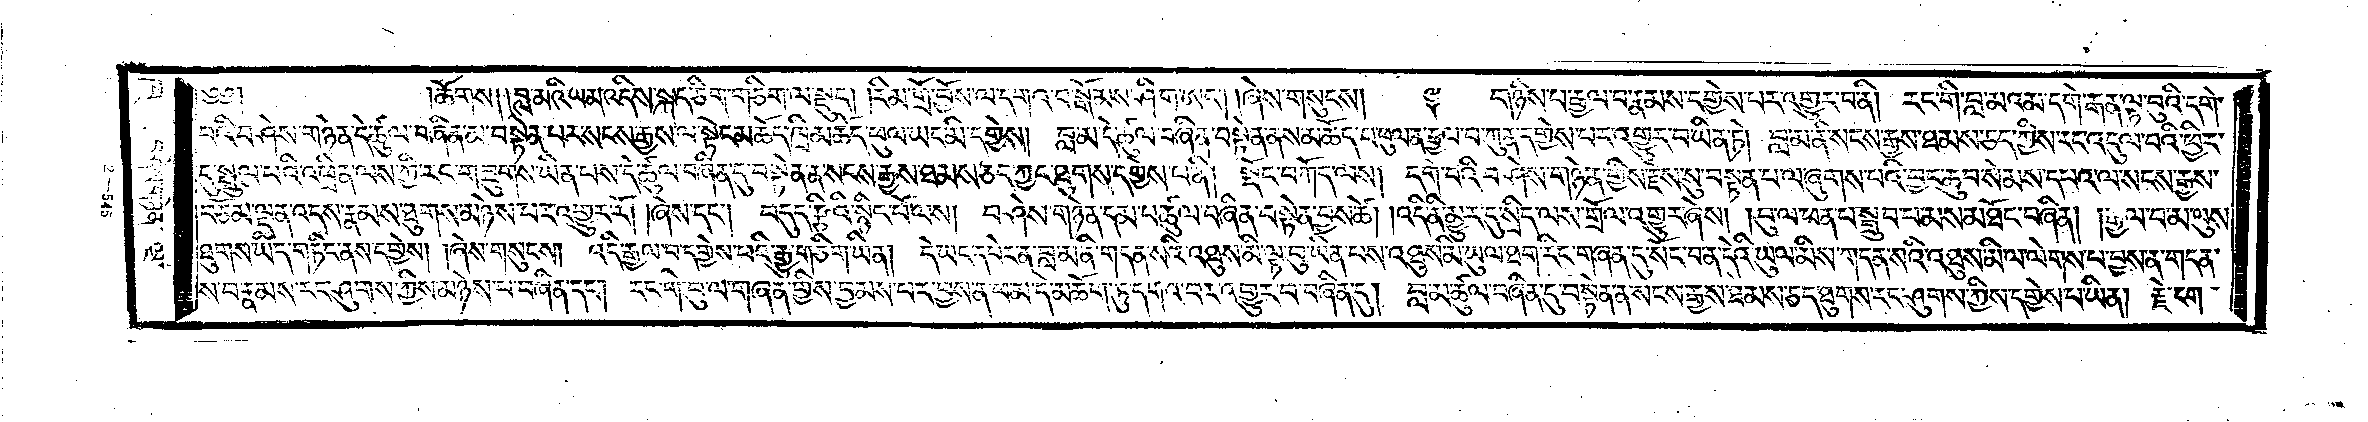༄༅། །ཆོགས། །བླ་མའི་ཡམ་འདིས་སྐད་ཅིག་གཅིག་ལ་སྡུད། །རིམ་གྲོ་བྱོས་ལ་དགའ་བ་སྒོམས་ཤིག་ཨང་། །ཞེས་གསུངས། ༈ གཉིས་པ་རྒྱལ་བ་རྣམས་དགྱེས་པར་འགྱུར་བ་ནི། རང་གི་བླ་མའམ་དགེ་རྒན་ལྟ་བུའི་དགེ་
བའི་བཤེས་གཉེན་དེ་ཚུལ་བཞིན་མ་བསྟེན་པར་སངས་རྒྱས་ལ་སྟེང་མཆོད་ཁྲི་མཆོད་ཕུལ་ཡང་མི་དགྱེས། བླ་མ་དེ་ཚུལ་བཞིན་བསྟེན་ནས་མཆོད་པ་ཕུལ་ན་རྒྱལ་བ་ཀུན་དགྱེས་པར་འགྱུར་བ་ཡིན་ཏེ། བླ་མ་ནི་སངས་རྒྱས་ཐམས་ཅད་ཀྱིས་རང་འདུལ་བའི་ཕྱིར་
དུ་སྤྲུལ་པའི་འཕྲིན་ལས་ཀྱི་རང་གཟུགས་ཡིན་པས་དེ་ཚུལ་བཞིན་དུ་བསྟེན་ན་སངས་རྒྱས་ཐམས་ཅད་ཀྱང་ཐུགས་དགྱེས་པ་ནི། སྡོང་བཀོད་ལས། དགེ་བའི་བཤེས་གཉེན་གྱིས་རྗེས་སུ་བསྟན་པ་ལ་ཞུགས་པའི་བྱང་ཆུབ་སེམས་དཔའ་ལ་སངས་རྒྱས་
བཅོམ་ལྡན་འདས་རྣམས་ཐུགས་མཉེས་པར་འགྱུར་རོ། །ཞེས་དང་། བདུད་རྩིའི་སྙིང་པོ་ལས། བཤེས་གཉེན་དམ་པ་ཚུལ་བཞིན་བསྟེན་བྱས་ཚེ། །འདི་ནི་མྱུར་དུ་སྲིད་ལས་གྲོལ་འགྱུར་ཞེས། །བུ་ལ་ཕན་པ་སྒྲུབ་པ་མས་མཐོང་བཞིན། །རྒྱལ་བ་མ་ལུས་
ཐུགས་ཡིད་གཏིང་ནས་དགྱེས། །ཞེས་གསུངས། འདི་རྒྱལ་བ་དགྱེས་པའི་རྒྱུ་གཅིག་ཡིན། དེ་ཡང་དཔེར་ན་བླ་མ་ནི་གདན་སའི་འཐུས་མི་ལྟ་བུ་ཡིན་པས་འཐུས་མི་ཡུལ་ཐག་རིང་གཞན་དུ་སོང་བ་ན་དེའི་ཡུལ་མིས་གདན་སའི་འཐུས་མི་ལ་ལེགས་པ་བྱས་ན་གདན་
ས་བ་རྣམས་རང་ཤུགས་ཀྱིས་མཉེས་པ་བཞིན་དང་། རང་གི་བུ་ལ་གཞན་གྱིས་བྱམས་པར་བྱས་ན་ཕམ་དེ་མཆོག་ཏུ་དགའ་བར་འགྱུར་བ་བཞིན་དུ། བླ་མ་ཚུལ་བཞིན་དུ་བསྟེན་ན་སངས་རྒྱས་ཐམས་ཅད་ཐུགས་རང་ཤུགས་ཀྱིས་དགྱེས་པ་ཡིན། རྗེ་ངག་